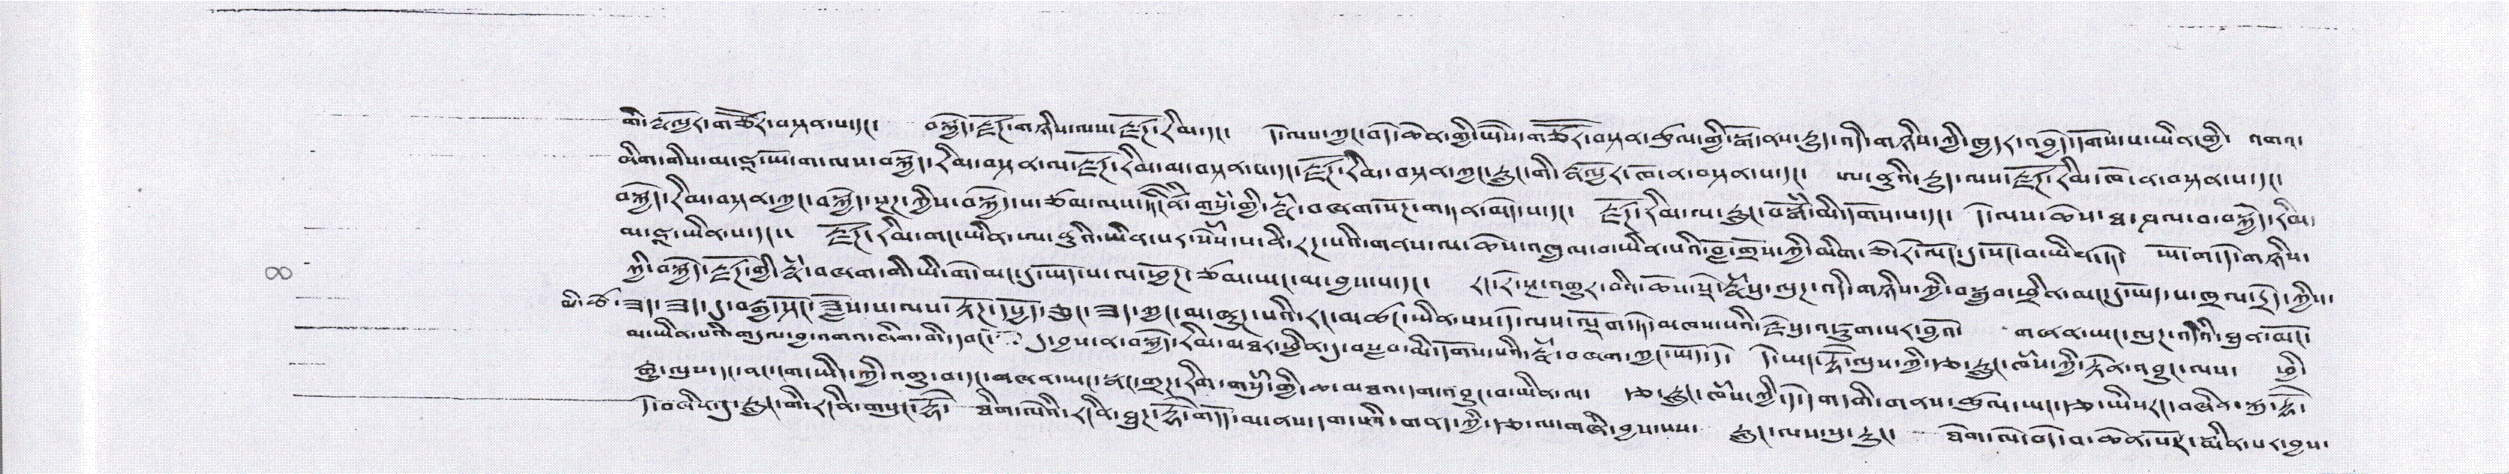གི་རྣལ་འབྱོར་གཙོ་བོར་བསྟན་པ་དང་། བསྐྱེད་རྫོགས་གཉིས་ལས་རྫོགས་རིམ་དང་། དེ་ལས་ཀྱང་བདེ་ཆེན་གྱི་ཡེ་ཤེས་གཙོ་བོར་བསྟན་ཚུལ་གྱི་སྒོ་ནས་རྒྱུད་འདི་གཉིས་ཀྱི་ཁྱད་པར་འབྱེད་དགོས་པ་ཡིན་གྱི། འགའ་
ཞིག་གིས་མ་ཧ་ཡོ་ག་ལས་བསྐྱེད་རིམ་བསྟན་ལ་རྫོགས་རིམ་མ་བསྟན་པ་དང་རྫོགས་རིམ་བསྟན་ཀྱང་རླུང་གི་རྣལ་འབྱོར་ཁོ་ན་བསྟན་པ་དང་། ཨ་ནུའི་རྒྱུད་ལས་རྫོགས་རིམ་ཁོ་ན་བསྟན་པ་དང་། 
བསྐྱེད་རིམ་བསྟན་ཀྱང་བསྐྱེད་སྔགས་ཀྱིས་བསྐྱེད་པ་ཙམ་ལས་ཏིང་འཛིན་གསུམ་གྱི་རྣམ་གཞག་སོགས་གཏན་མེད་པ་དང་། རྫོགས་རིམ་ལ་རླུང་བསྒོམ་མི་དགོས་པ་དང་། དེ་ལས་ཆེས་ཐ་ཤལ་བ་བསྐྱེད་རིམ་
མ་ཧཱ་ཡིན་པ་དང་། རྫོགས་རིམ་གང་ཡིན་ཨ་ནུའི་ཡིན་པར་སེམས་པ་ནི་རགས་པའི་གནས་ལ་ཆེས་འཁྲུལ་པ་ཡིན་པས་བློ་གྲོས་ཀྱི་མིག་ཅེ་རེ་ལོང་དུ་སོང་བ་ཡིན་ཏེ། ཡོ་ག་དེ་གཉིས་
ཀྱི་བསྐྱེད་རྫོགས་ཀྱི་རྣམ་གཞག་གི་ཡི་གེ་མང་དུ་ཡོད་པ་ལ་ཕྱོགས་ཙམ་ཡང་མ་བྱས་པ་དང་། རང་རེ་སྔ་འགྱུར་བའི་ཆོས་སྡེ་རྣམས་སུ་ལུགས་འདི་གཉིས་ཀྱི་སྒྲུབ་འཕྲིན་མང་དུ་ཡོད་པ་ཁྲལ་དྲེད་ཀྱིས་
མི་ཚེ་ཟད་ཟད་དུ་བརྒྱ་སྟོང་བཟློས་པ་ལས་རྟོག་དཔྱོད་ཅུང་ཟད་ཀྱང་མ་ཞུགས་པའི་རང་མཚང་ཡིན་པས་དེ་ལས་ལྡོག་སྟེ་མཁས་པའི་རྗེས་སུ་འཇུག་པར་བྱའོ། གཞན་ཡང་ལུགས་འདིའི་ཐུན་མོང་
མ་ཡིན་པའི་གདུལ་བྱ་འགའ་ཞིག་གི་དབང་དུ་བྱས་ན་བསྐྱེད་རིམ་མཐར་ཕྱིན་དུ་བསླབ་མི་དགོས་པའི་རྣམ་གཞག་ཀྱང་ཡོད་དེ། དེ་ཡང་རྡོ་རྗེ་ལུས་ཀྱི་རྩ་རླུང་ཁམས་ཀྱི་རྟེན་འབྱུང་ལས། ཕྱི་
སྒྱུ་ལུས་དང་ནང་ངག་ཡིད་ཀྱི་འགྱུ་བ་དང་། གཞན་ཡང་སྣང་གྲགས་རིག་གསུམ་གྱི་ཆ་མཐའ་དག་འབྱུང་བ་ཡིན་ལ། རྩ་རླུང་ཁམས་ཀྱི་དེ་དག་གི་གནས་ཚུལ་ཡང་རྩ་ཡི་རང་བཞིན་སྐུ་རྡོ་རྗེ། 
དེ་བཞིན་དུ་རླུང་གི་རང་བཞིན་གསུང་རྡོ་རྗེ། ཐིག་ལེའི་རང་བཞིན་ཐུགས་རྡོ་རྗེ། གདོད་མ་ནས་དག་པའི་གནད་ཀྱི་རྩ་ལ་གཞི་བྱས་པས། རླུང་ལས་སུ་རུང་། ཐིག་ལེ་བདེ་བ་ཆེན་པོར་སྨིན་པར་བྱས་